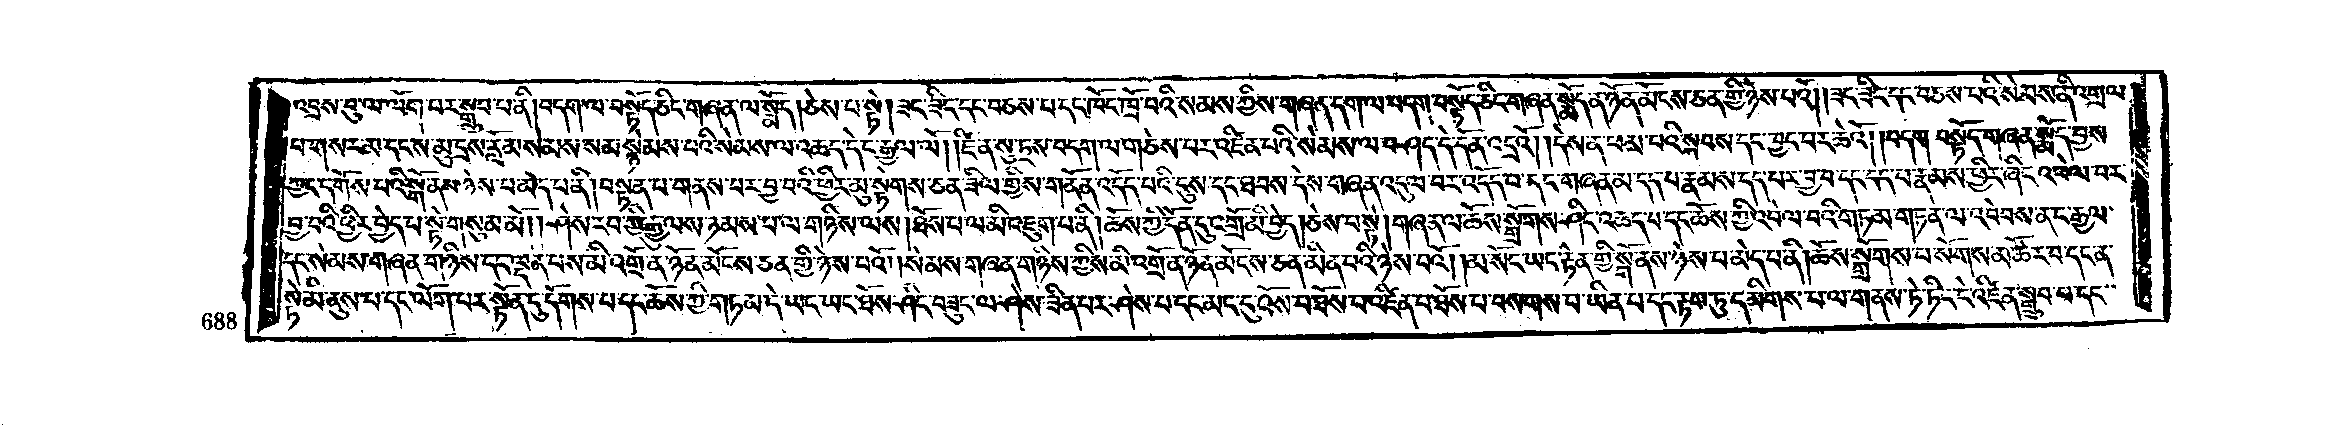འབྲས་བུ་ལ་ལོག་པར་སྒྲུབ་པ་ནི། བདག་ལ་བསྟོད་ཅིང་གཞན་ལ་སྨོད། ཅེས་པ་སྟེ། ཟང་ཟིང་དང་བཅས་པ་དང་ཁོང་ཁྲོ་བའི་སེམས་ཀྱིས་གཞན་དག་ལ་བདག་བསྟོད་ཅིང་གཞན་སྨོད་ན་ཉོན་མོངས་ཅན་གྱི་ཉེས་པའོ། །ཟང་ཟིང་དང་བཅས་པའི་སེམས་ནི་
འགྲལ་པ་གསར་མ་དང་ས་མུ་དྲས་རློམ་སེམས་སམ་སྙེམས་པའི་སེམས་ལ་འཆད་དེ་ང་རྒྱལ་ལོ། །ཛི་ན་སུ་ཏྲས་བདག་ལ་གཅེས་པར་འཛིན་པའི་སེམས་ལ་བཤད་དེ་དོན་འདྲའོ། །དེས་ན་ཕམ་པའི་སྐབས་དང་ཁྱད་པར་ཆེའོ། །བདག་བསྟོད་གཞན་སྨོད་བྱས་
ཀྱང་དགོས་པའི་སྒོ་ནས་ཉེས་པ་མེད་པ་ནི། བསྟན་པ་གནས་པར་བྱ་བའི་ཕྱིར་མུ་སྟེགས་ཅན་ཟིལ་གྱིས་གནོན་འདོད་པའི་དུས་དང་ཐབས་དེས་གཞན་འདུལ་བར་འདོད་པ་དང་གཞན་མ་དད་པ་རྣམས་དད་པར་བྱ་བ་དང་དད་པ་རྣམས་ཕྱིར་ཞིང་འཕེལ་བར་
བྱ་བའི་ཕྱིར་བྱེད་པ་སྟེ་གསུམ་མོ། །ཤེས་རབ་ཀྱི་རྒྱུ་ལས་ཉམས་པ་ལ་གཉིས་ལས། ཐོས་པ་ལ་མི་འཇུག་པ་ནི། ཆོས་ཀྱི་དོན་དུ་འགྲོ་མི་བྱེད། ཅེས་པ་སྟེ། གཞན་ལ་ཆོས་སྒྲོགས་ཤིང་འཆད་པ་དང་ཆོས་ཀྱི་འབེལ་བའི་གཏམ་གཏན་ལ་འབེབས་ན་ང་རྒྱལ་
དང་སེམས་གཞན་གཉིས་དང་ལྡན་པས་མི་འགྲོ་ན་ཉོན་མོངས་ཅན་གྱི་ཉེས་པའོ། །སེམས་གཞན་གཉིས་ཀྱིས་མི་འགྲོ་ན་ཉོན་མོངས་ཅན་མིན་པའི་ཉེས་པའོ། །མ་སོང་ཡང་རྟེན་གྱི་སྒོ་ནས་ཉེས་པ་མེད་པ་ནི། ཆོས་སྒྲོགས་པ་སོགས་མཚོར་བ་དང་ན་
སྟེ་མི་ནུས་པ་དང་ལོག་པར་སྟོན་དུ་དོགས་པ་དང་ཆོས་ཀྱི་གཏམ་དེ་ཡང་ཡང་ཐོས་ཤིང་བཟུང་ལ་ཤེས་ཟིན་པར་ཤེས་པ་དང་མང་དུ་འོས་པ་ཐོས་པ་འཛིན་པ་ཐོས་པ་བསགས་པ་ཡིན་པ་དང་རྟག་ཏུ་དམིགས་པ་ལ་གནས་ཏེ་ཏིང་ངེ་འཛིན་སྒྲུབ་པ་དང་